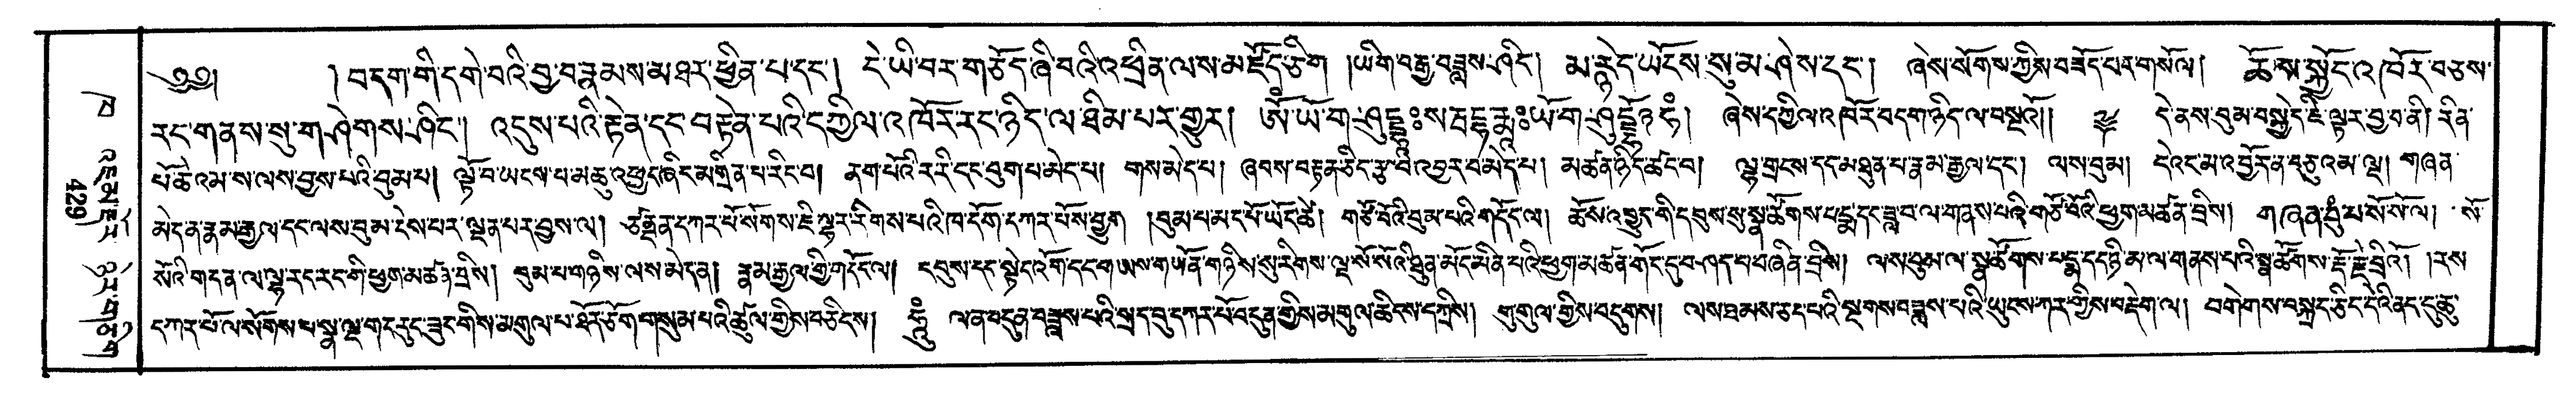༄༅། །བདག་གི་དགེ་བའི་བྱ་བ་རྣམས་མཐར་ཕྱིན་པ་དང་། དེ་ཡི་བར་གཅོད་ཞི་བའི་འཕྲིན་ལས་མཛོད་ཅིག །ཡིག་བརྒྱ་བཟླས་ཤིང་། མ་རྙེད་ཡོངས་སུ་མ་ཤེས་དང་། ཞེས་སོགས་ཀྱིས་བཟོད་པར་གསོལ། ཕྱག་སྐྱོང་འཁོར་བཅས་
རང་གནས་སུ་གཤེགས་ཤིང་། འདུས་པའི་རྟེན་དང་བརྟེན་པའི་དཀྱིལ་འཁོར་རང་ཉིད་ལ་ཐིམ་པར་གྱུར། ཨོཾ་ཡོ་ག་ཤུདྡྷཱཿ སརྦ་དྷརྨཱཿ ཡོ་ག་ཤུདྡྷོཉཧཾ། ཞེས་དཀྱིལ་འཁོར་བདག་ཉིད་ལ་བསྡུའོ།། ༈ དེ་ནས་བུམ་བསྐྱེད་ཇི་ལྟར་བྱ་བ་ནི། རིན་
པོ་ཆེ་འམ་ས་ལས་བྱས་པའི་བུམ་པ། ལྟོ་བ་ཡངས་པ་མཆུ་འཕྱང་ཞིང་མགྲིན་པ་རིང་བ། ནག་པོའི་ར་རི་དང་བུག་པ་མེད་པ། གས་མེད་པ། ཞབས་བརྟན་ཅིང་རྩ་བ་འབྱར་བ་མེད་པ། མཚན་ཉིད་ཚང་བ། ལྷ་གྲངས་དང་མཐུན་པ་རྣམ་རྒྱལ་དང་། ལས་བུམ། དེའང་མ་འབྱོར་ན་བཅུའམ་ལྔ། གཞན་
མེད་ན་རྣམ་རྒྱལ་དང་ལས་བུམ་ངེས་པར་ལྡན་པར་བྱས་ལ། ཙནྡན་དཀར་པོ་སོགས་ཇི་ལྟར་རིགས་པའི་ཁ་དོག་དཀར་པོས་བྱུག །བུམ་པ་མང་པོ་ཡོད་ཚེ། གཙོ་བོའི་བུམ་པའི་གདོང་ལ། ཆོས་འབྱུང་གི་དབུས་སུ་སྣ་ཚོགས་པདམ་དང་ཟླ་བ་ལ་གནས་པའི་གཙོ་བོའི་ཕྱག་མཚན་བྲིས། གཞན་བུམ་པ་སོ་སོ་ལ། སོ་
སོའི་གདན་ལ་ལྷ་རང་རང་གི་ཕྱག་མཚན་བྲིས། བུམ་པ་གཉིས་ལས་མེད་ན། རྣམ་རྒྱལ་གྱི་གདོང་ལ། དབུས་དང་སྟེང་འོག་དང་གཡས་གཡོན་གཉིས་སུ་རིགས་ལྔ་སོ་སོའི་ཐུན་མོང་མིན་པའི་ཕྱག་མཚན་གོང་དུ་བཤད་པ་བཞིན་བྲིས། ལས་བུམ་ལ་སྣ་ཚོགས་པདམ་དང་ཉི་མ་ལ་གནས་པའི་སྣ་ཚོགས་རྡོ་རྗེ་བྲིའོ། །རས་
དཀར་པོ་ལ་སོགས་པ་སྣ་ལྔ་གང་རུང་ཟུང་གིས་མགུལ་པ་ཐོར་ཅོག་གསུམ་པའི་ཚུལ་གྱིས་བཅིངས། ཧཱུཾ་ལན་བདུན་བཟླས་པའི་སྲད་བུ་དཀར་པོ་བདུན་གྱིས་མགུལ་ཆིངས་དཀྲིས། གུ་གུལ་གྱིས་བདུགས། ལས་ཐམས་ཅད་པའི་སྔགས་བཟླས་པའི་ཡུངས་ཀར་གྱིས་བརྡེག་ལ། བགེགས་བསྐྲད་ཅིང་དེའི་ནང་དུ་ཆུ་